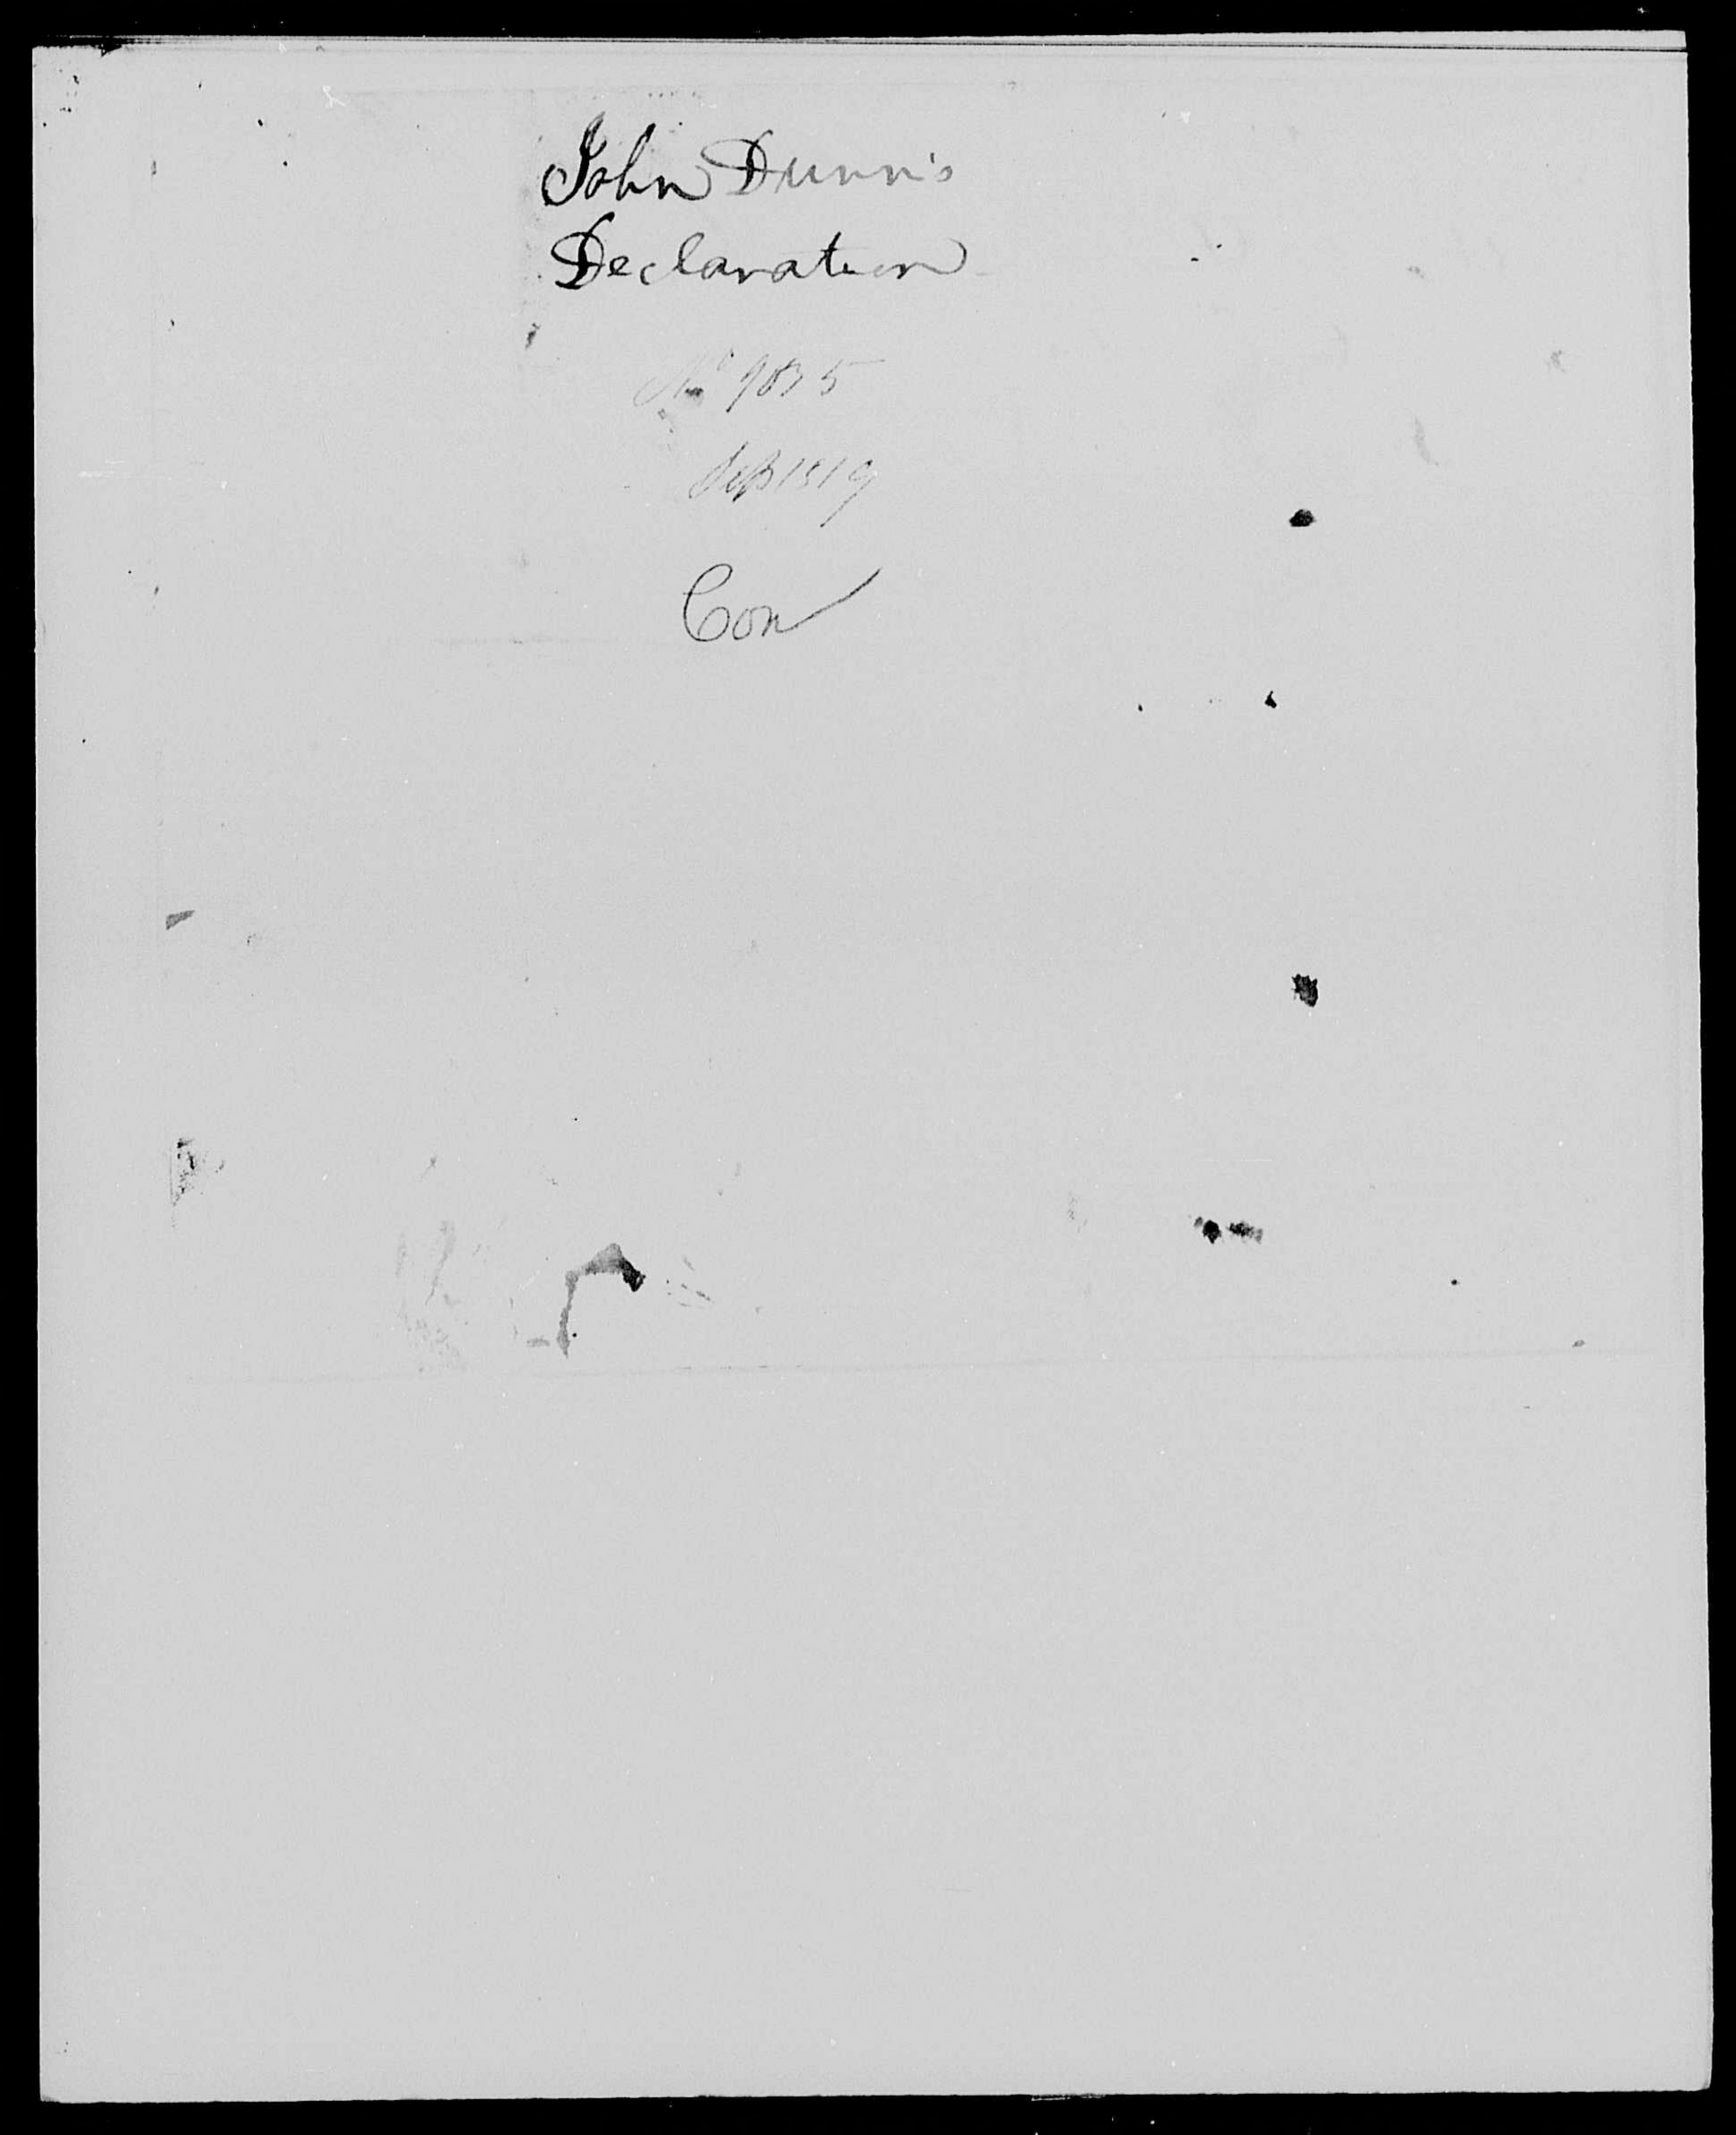John Dunn
Declaration 
No. 9035
Sep 1819
Con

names: John Dunn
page: 15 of 23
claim: survivor's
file: S 35903, John Dunn, Va.